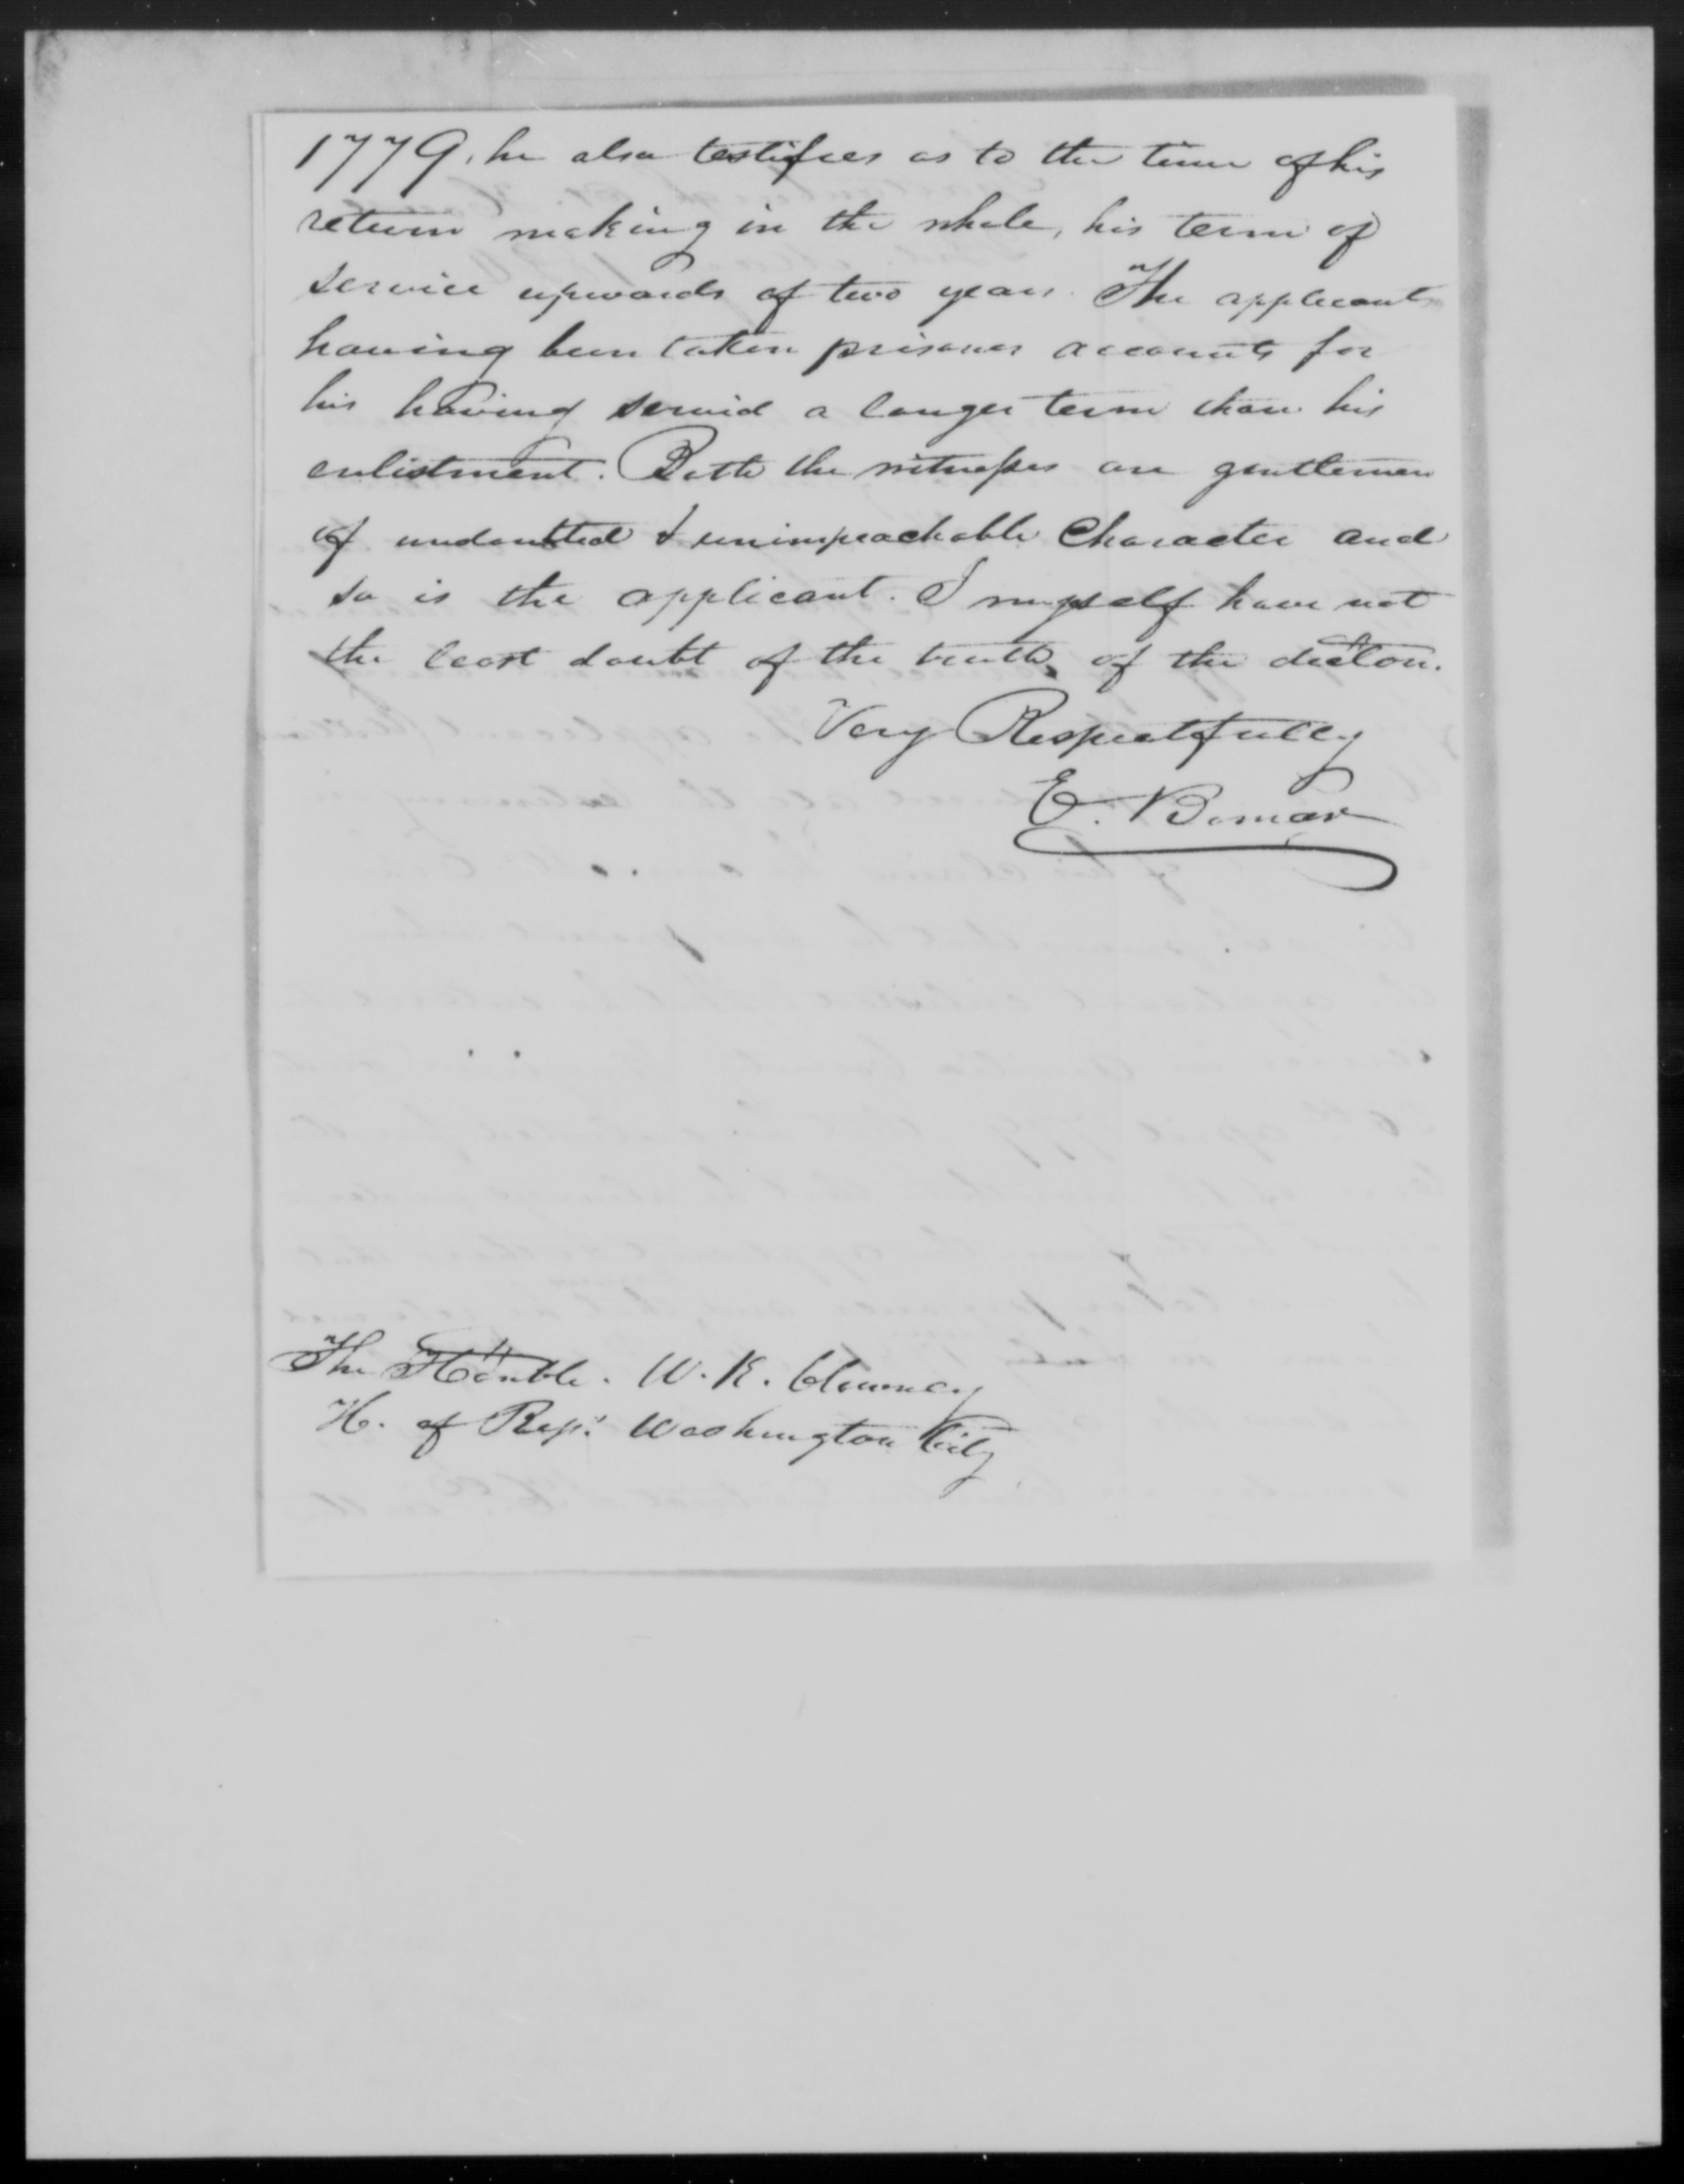1779. he also testifies as to the time of his return making in the whole, his term of service upwards of two years The applicant having been take prisoner accounts for his having served a longer term than his enlistment. Both the witnesses are gentlemen of undoubted & unimpeachable Character and so is the applicant. I myself have not the least doubt of the truth of the declar.
Very Respectfully E. Bomar
The Honble. W.K. Clowney H. of Rep. Washington City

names: W K Clowney, E Bomar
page: 11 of 19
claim: survivor's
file: S. 7,896, William Wingo, Va.